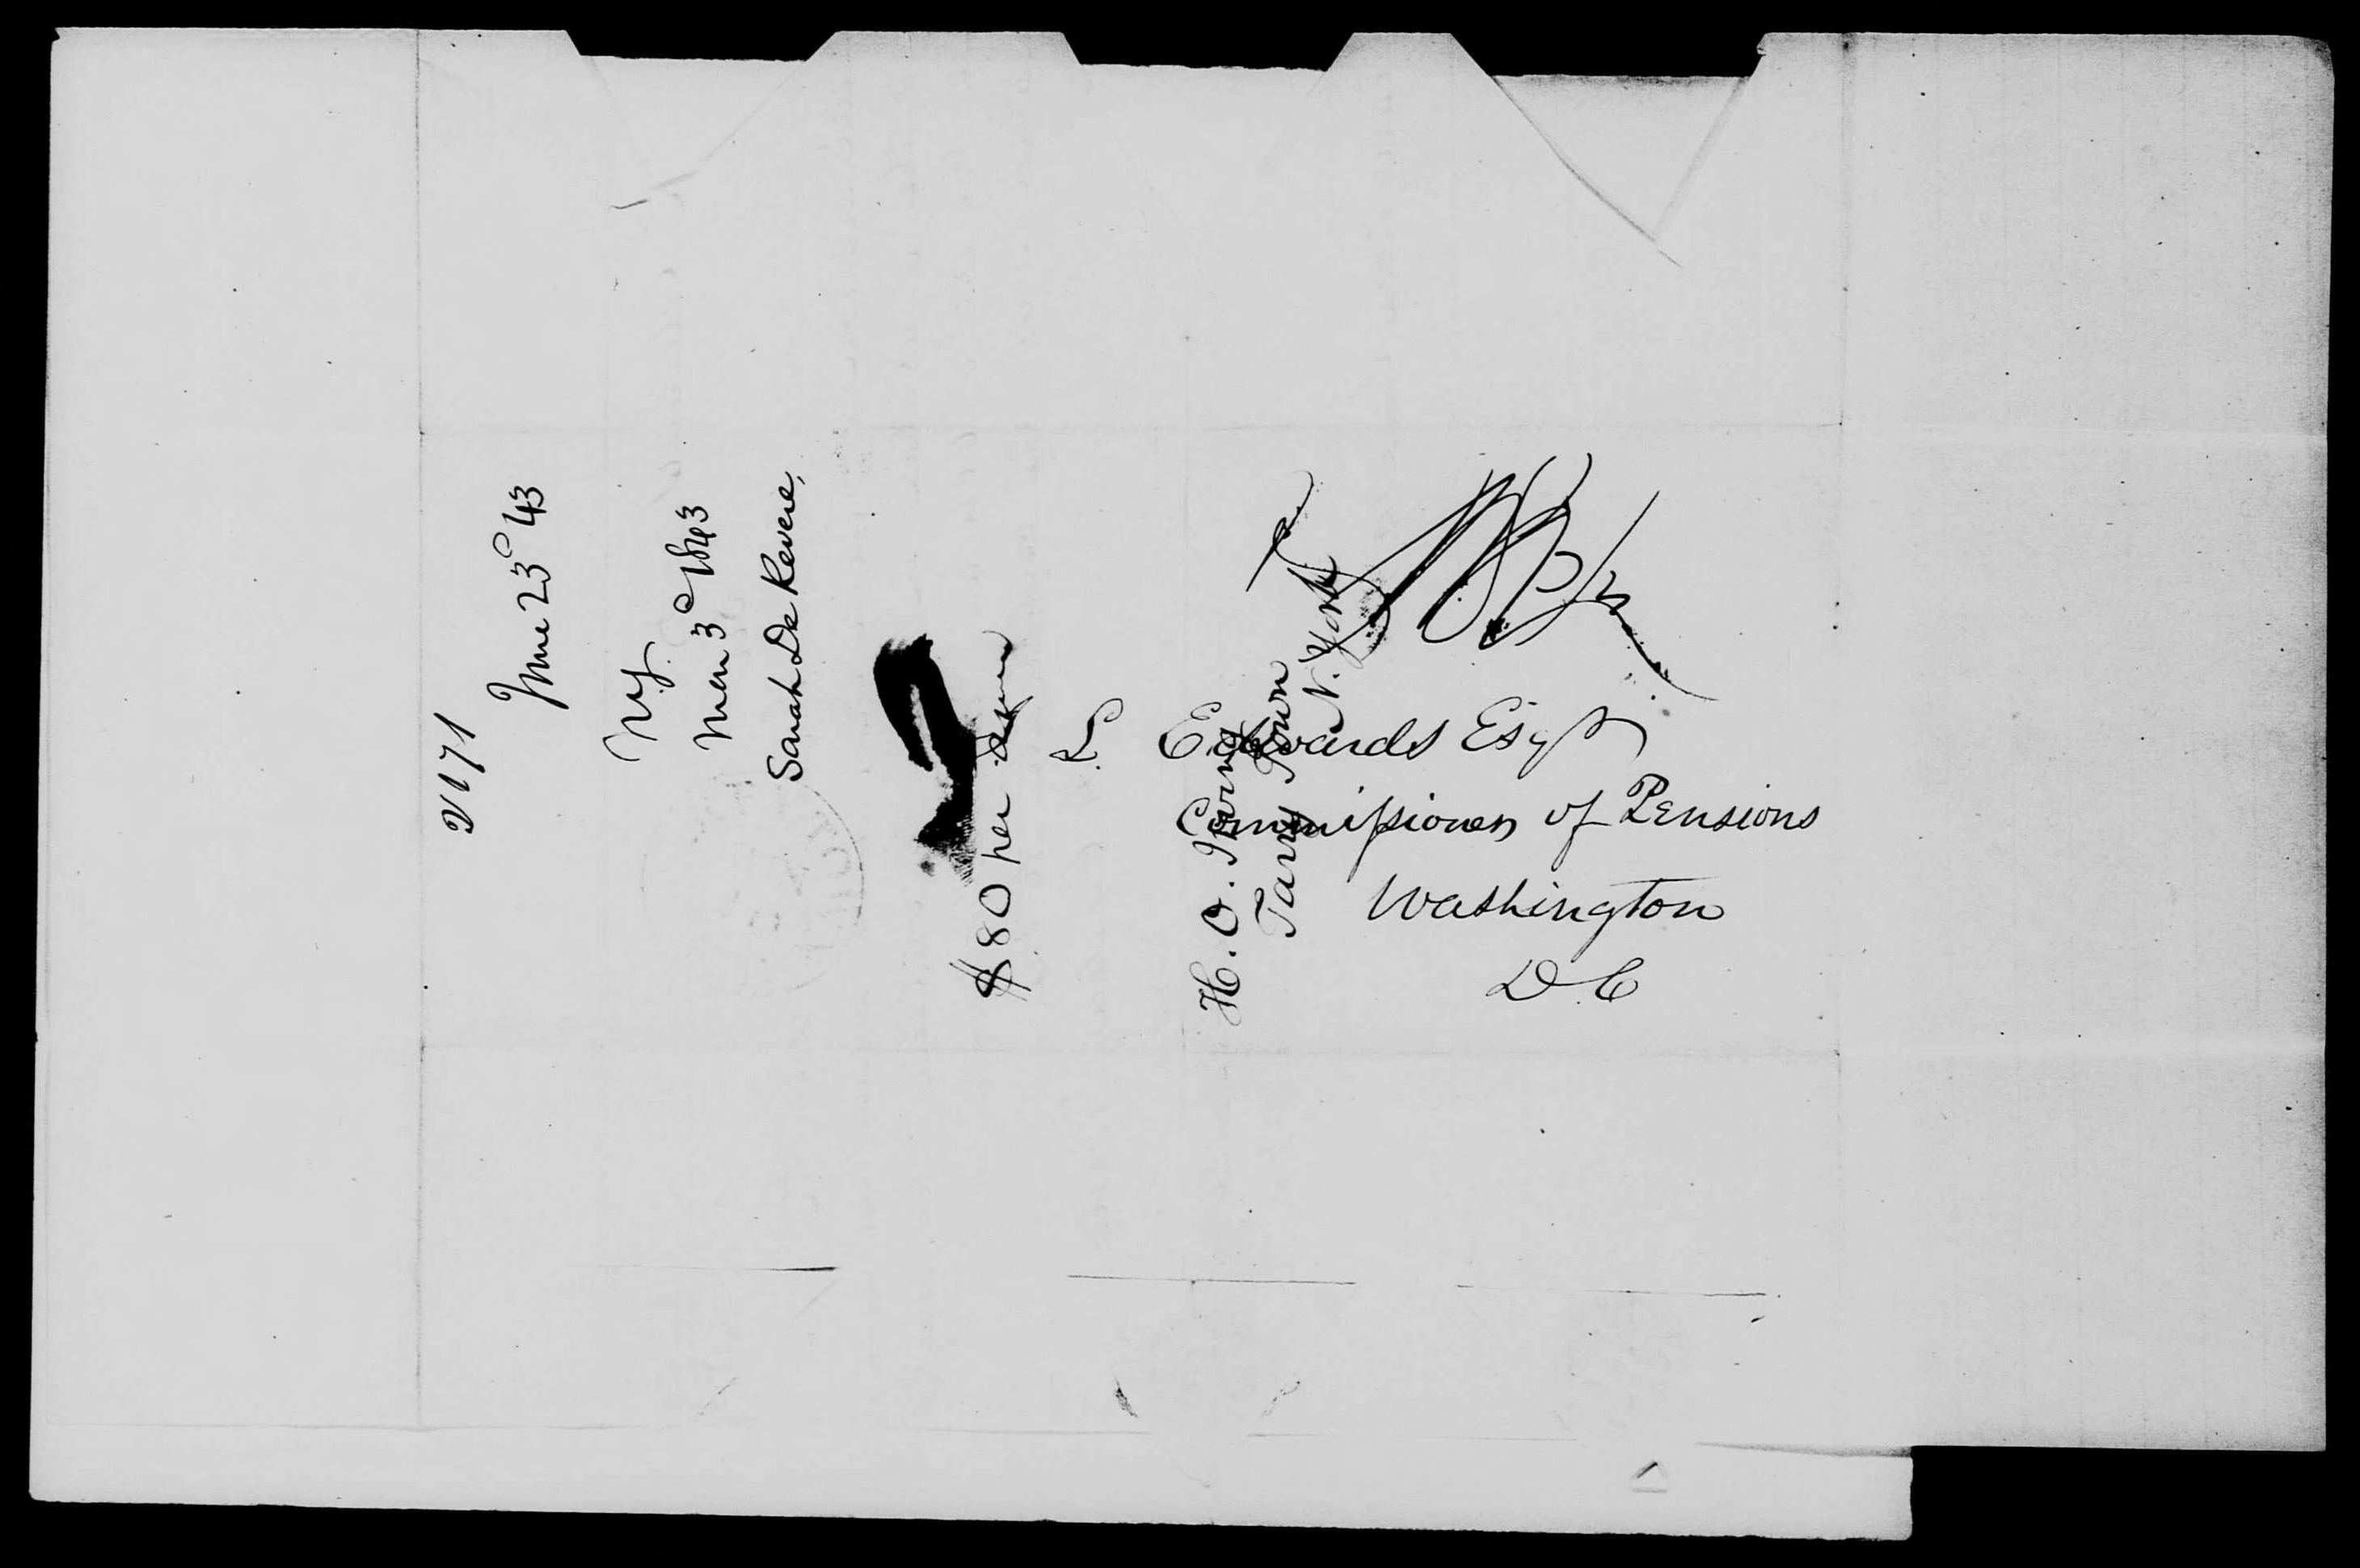2171
Mar 23 43
N.Y.
Mar 3 1843
Sarah De Revere

$80 per annum

H.O. Irving
Tarry Town

S. L. Edwards Esq
Commissioner of Pensions
Washington DC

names: H O Irving, J L Edwards, Sarah Derevere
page: 36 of 40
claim: widow's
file: W. 24057, Cornelius De Revere, New York